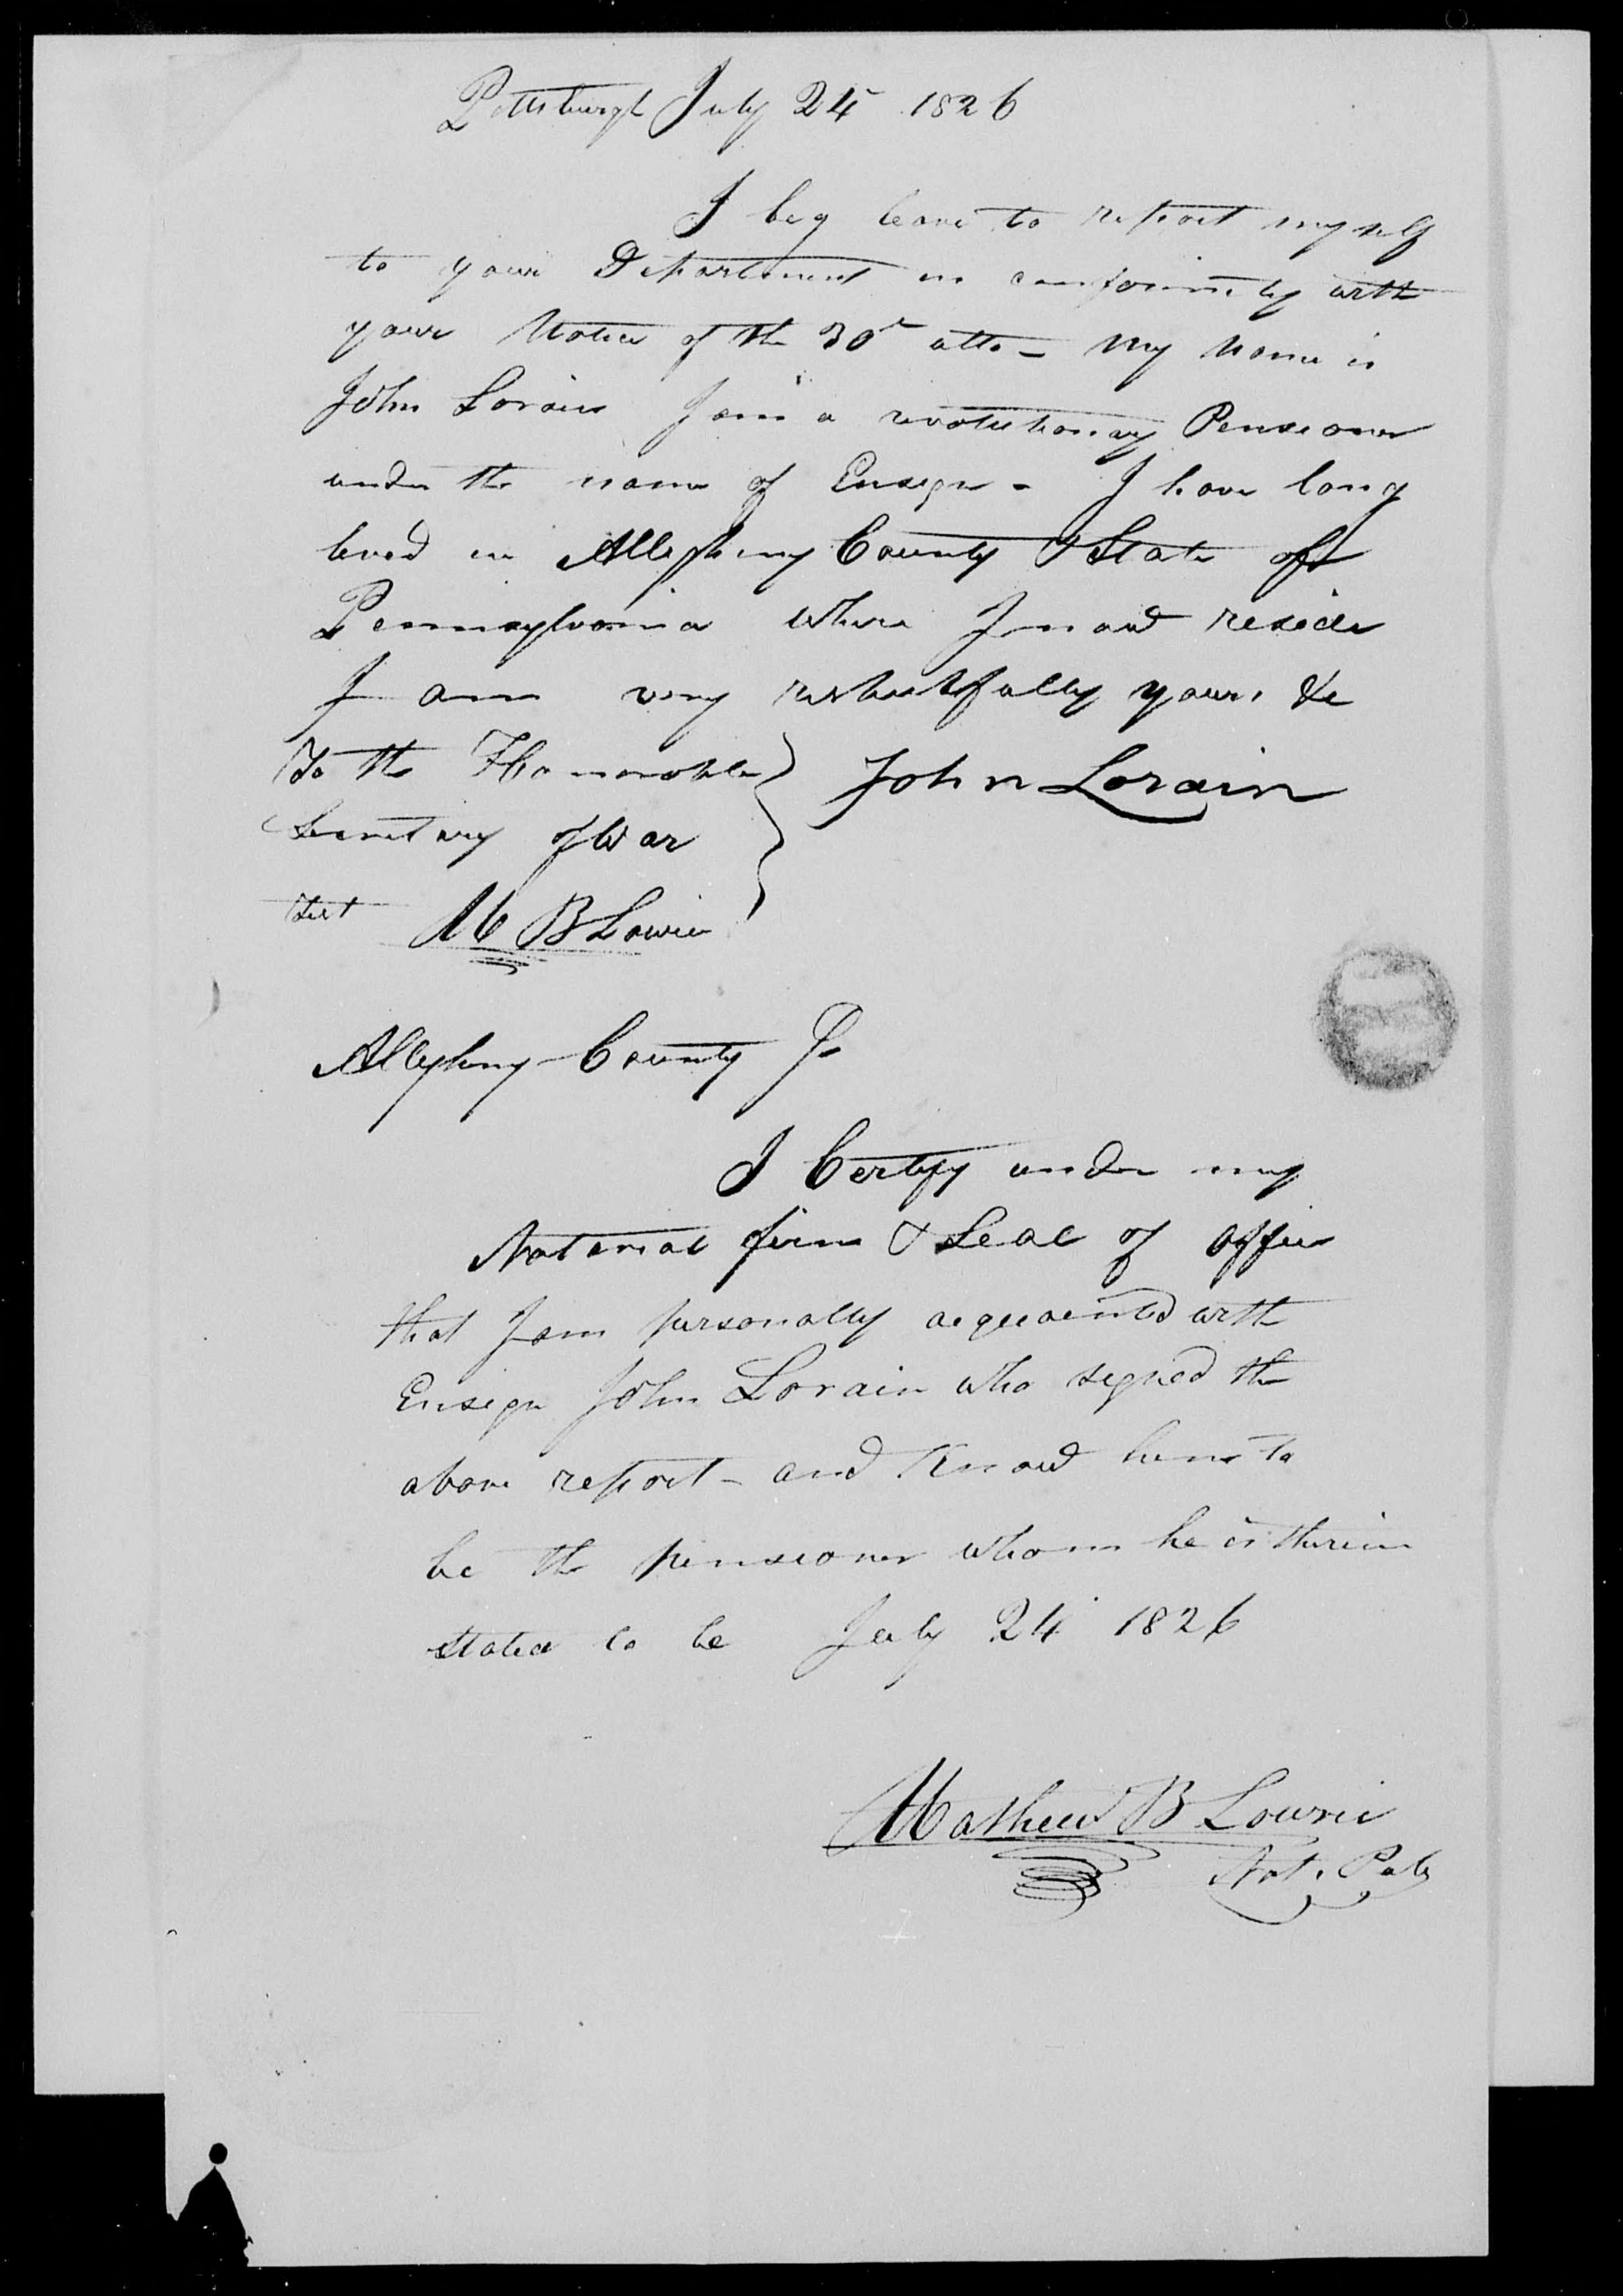Pittsburgh July 24 1826

I beg leave to report myself to your Department in conformity with your notice of the [illegible] - my name is John Lorain   I am a revolutionary pensioner under the name of Ensign.  I have long lived in Allegheny County State of Pennsylvania where [illegible] reside
I am very respectfully your [illegible] Honorable Secretary of War

John Lorain

[illegible] M B Lowrie

Allegheny County ss

I certify under my national [illegible] & seal of office that I am personally acquainted with Ensign John Lorain who signed the above report - and [illegible] him to be the pensioner whom he is therein stated to be    July 24 1826

Mathew B Lowrie [illeglbe]  [signature]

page: 12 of 21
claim: survivor's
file: S. 40,098, for John Lorain, Pennsylvania